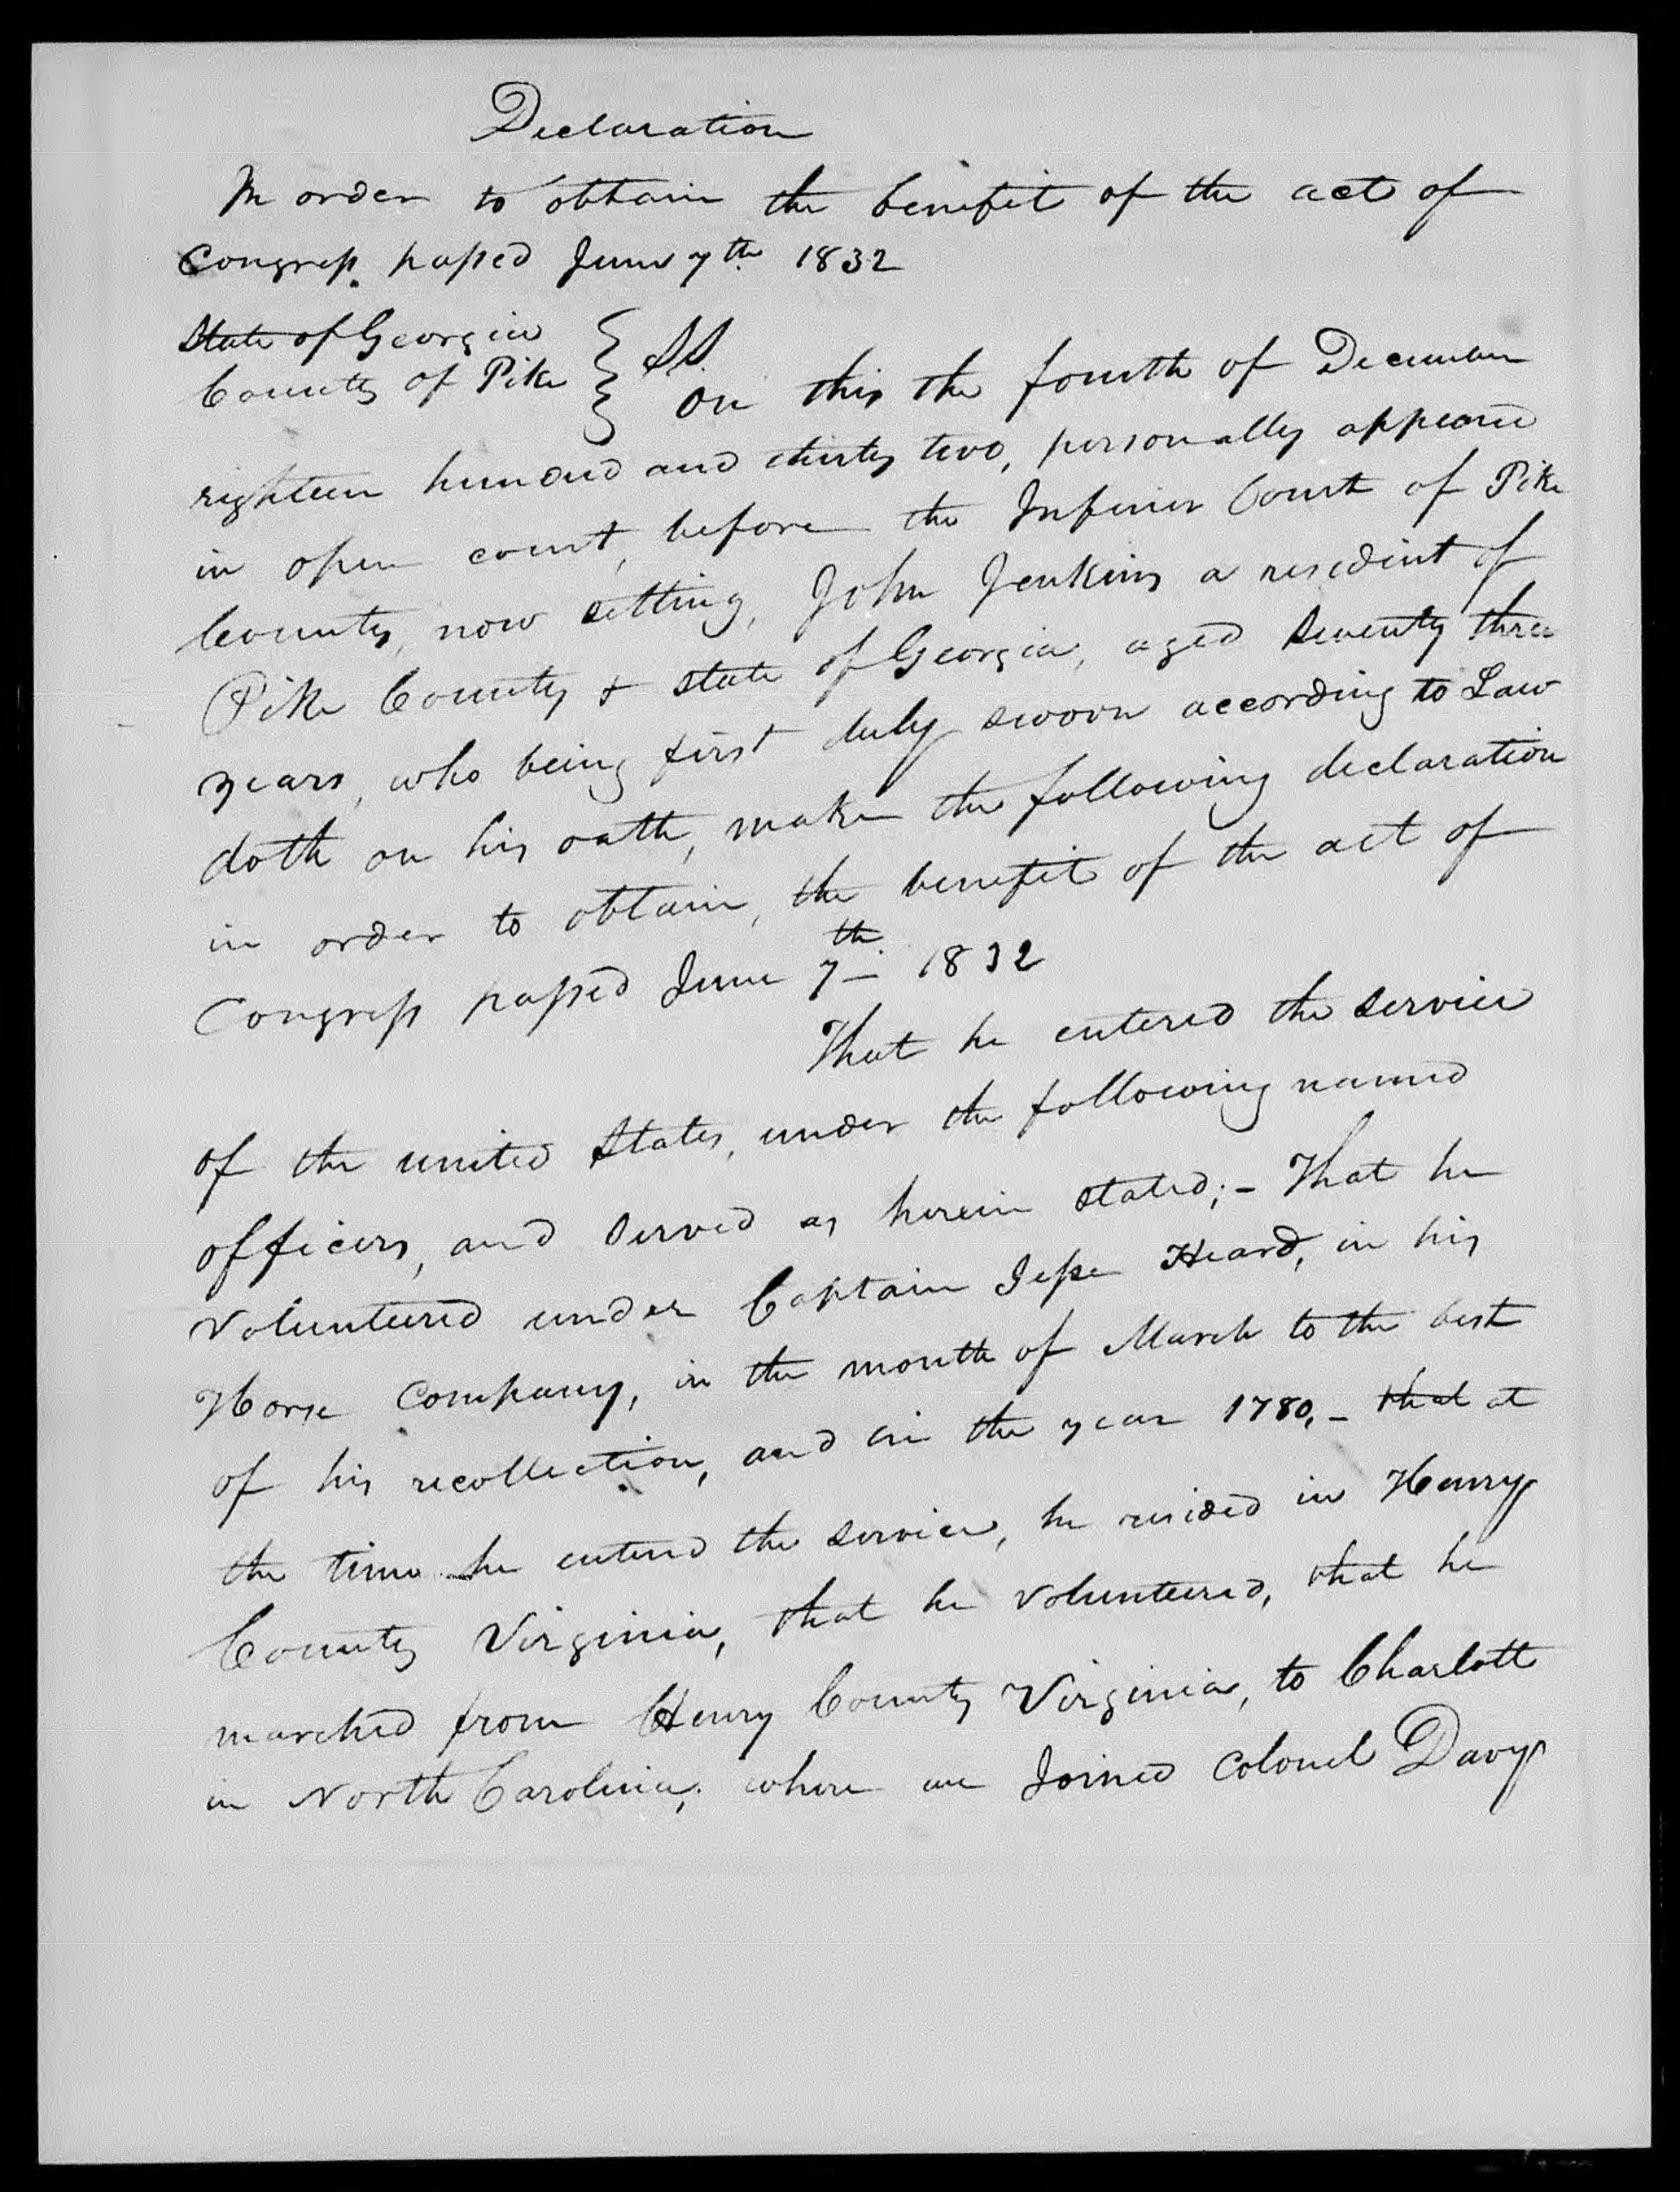Declaration
In order to obtain the benefit of the act of
Congress passed June 7th 1832
State of Georgia
County of Pike SS
on this the fourth of December eighteen hundred and thirty two, personally appeared
in open court before the Inferior Court of Pike
County, now sitting, John Jenkins a resident of
Pike County & State of Georgia, aged seventy three years, who being first duly sworn according to Law doth on his oath, make the following declaration in order to obtain the benefit of the act of Congress passed June passed 7th1812 That he entered the service of the United States, under the following named officers, and served as herein stated; That he volunteered under Captain Jesse Heard, in his Horse Company, in the month of March to the best of his recollection, and in the year 1780. that at the time he entered the service, he resided in Henry County Virginia, that he volunteered, that he marched from Henry County Virginia, to Charlotte in North Carolina, where we joined Colonel Davy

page: 5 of 55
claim: widow's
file: W. 7894, for John Jenkins, Virginia